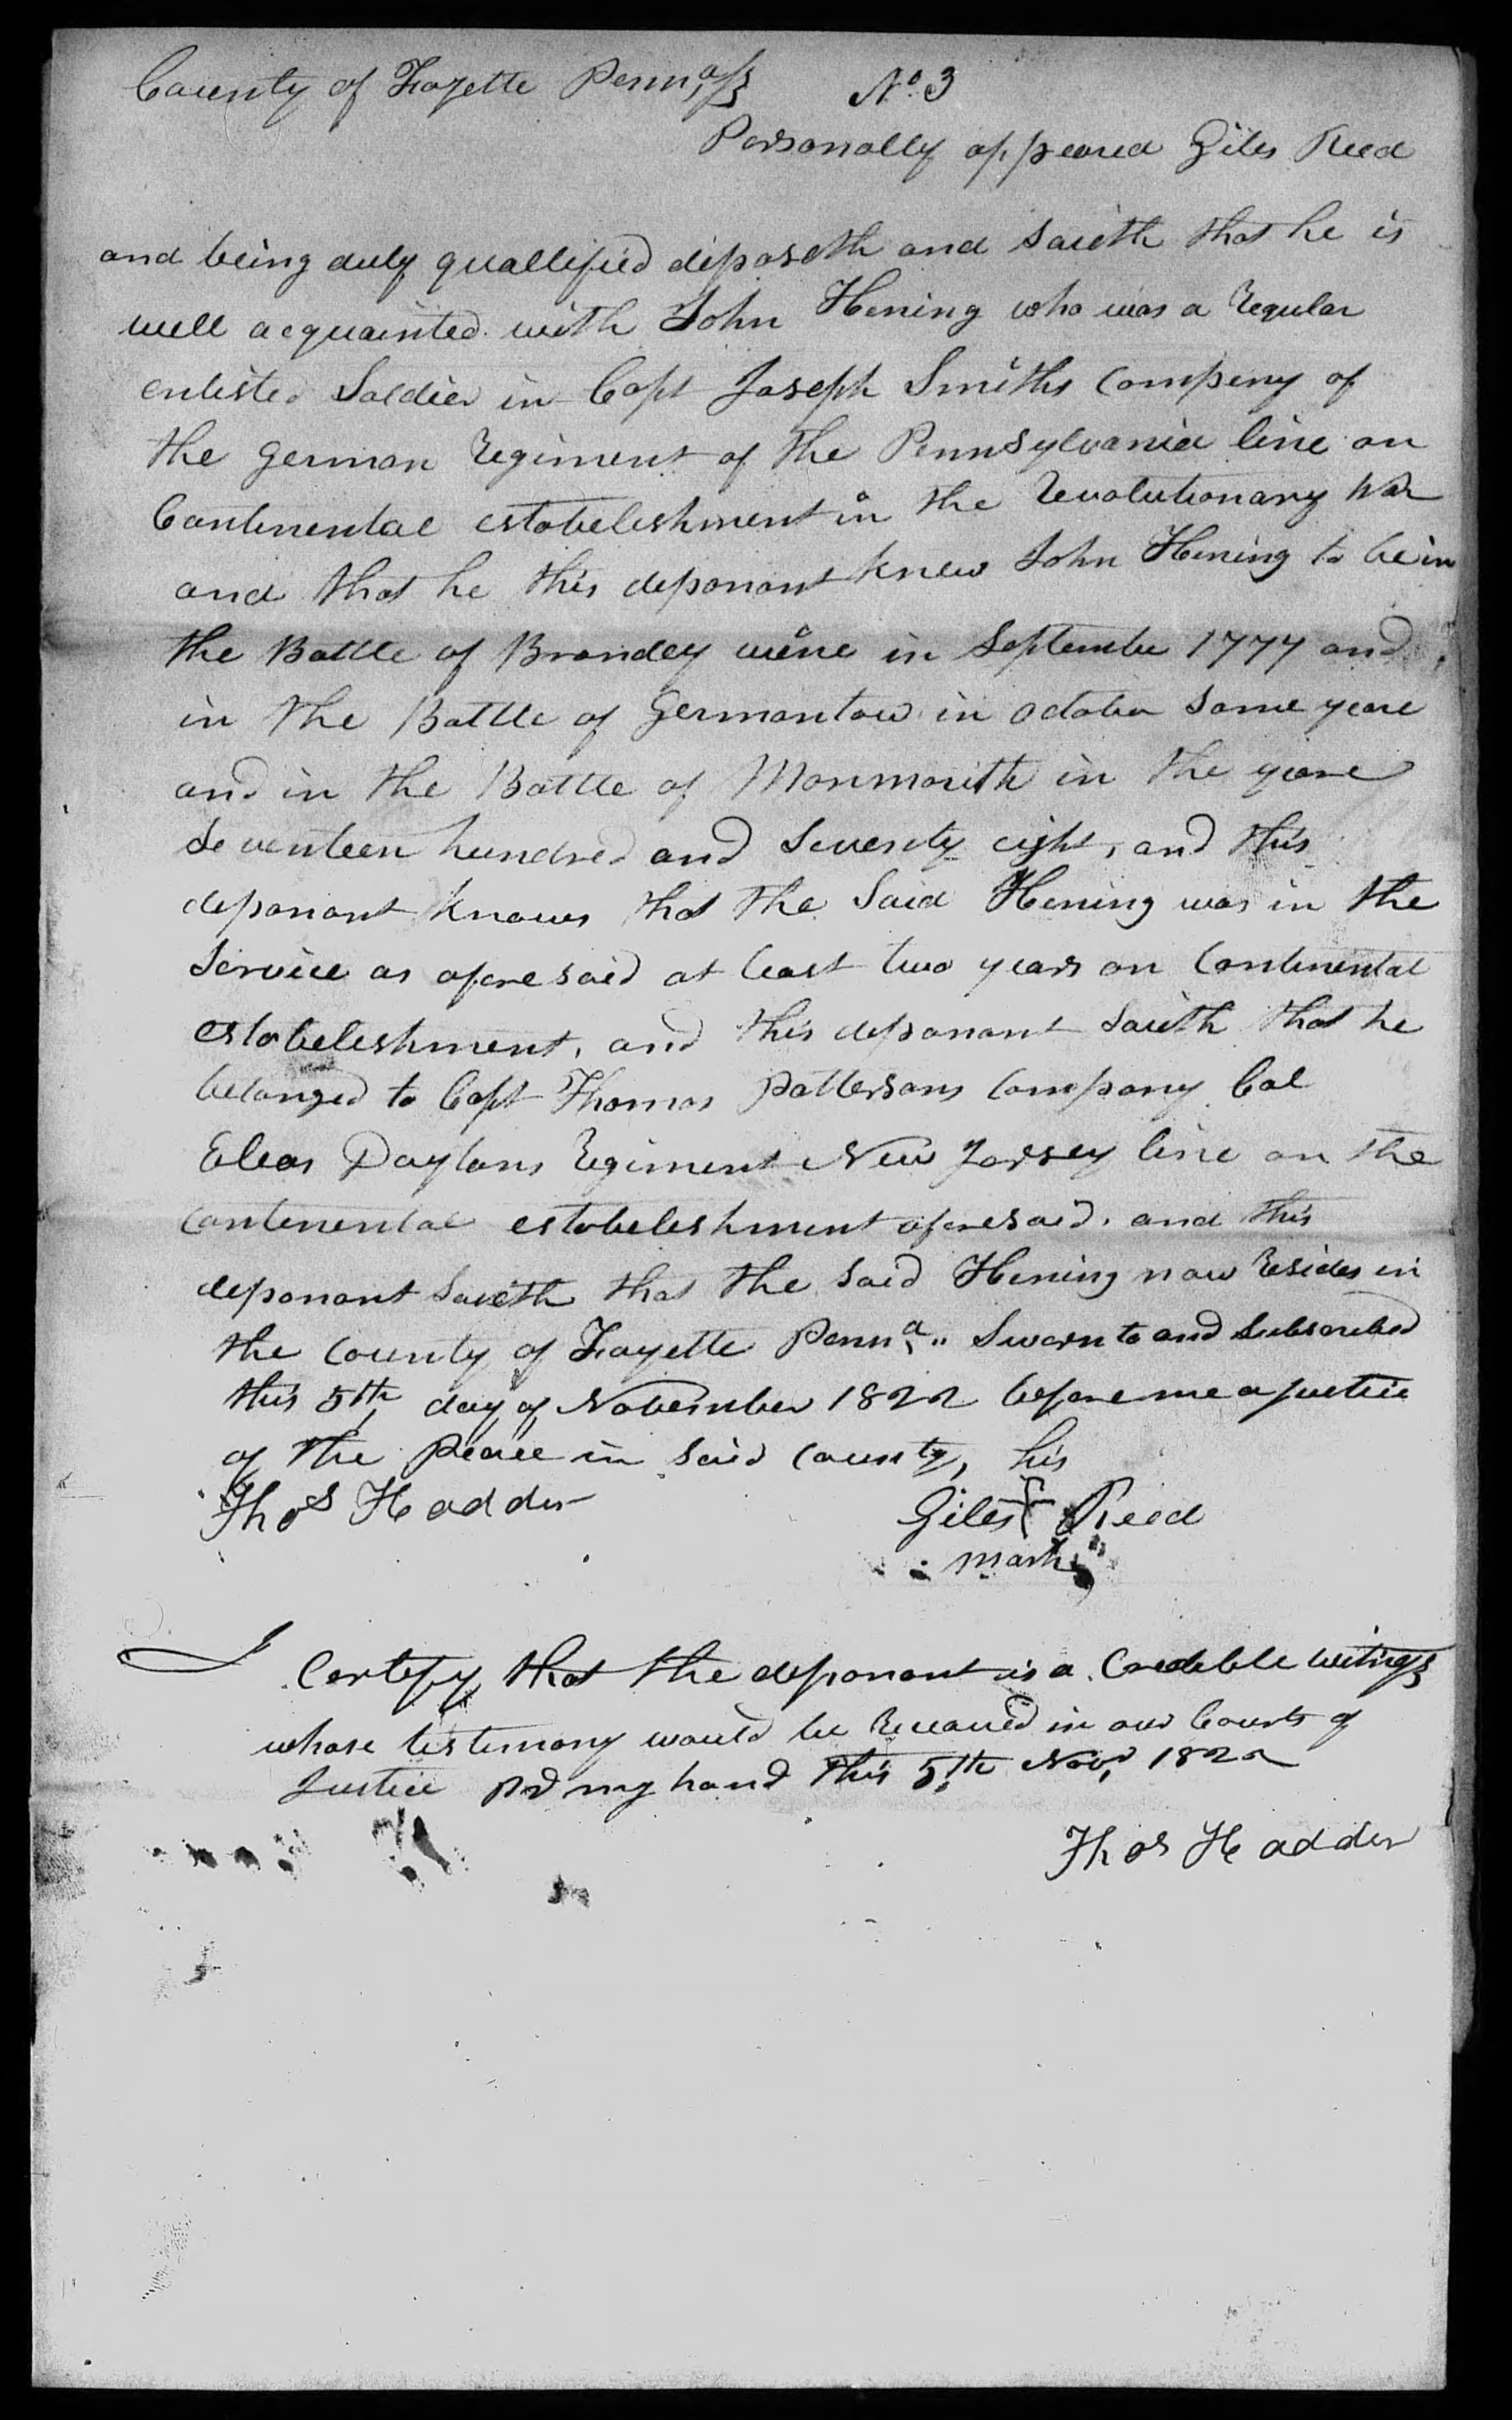County of Fayette Penna No. 3
Personally appeared Giles Reed and being duly qualified disposeth and Saieth that he is well acquainted with John Hening who was a regular enlisted Soldier in Capt Joseph Smiths company of the German regiment of the Pennsylvania line an Continental establishment in the Revolutionary War and that he this deponant knew John Hening to be in the Battle of Brandy wine in September 1777 and in the Battle of Germantown in October Same yeare and in the Battle of Monmouth in the yeare Seventeen hundred and Seventy eight, and this deponant knows that the Said Hening was in the Service as aforesaid at least two years on Continental establishment and this deponant Saieth that he belonged to Capt Thomas Pattersons  Company Col Elear Daytons Regiment New Jersey line on the Continental establishment aforesaid, and this deponant Saieth that the Said Hening now resides in the County of Fayette Penna Sworn to and Subscribed this 5th day of November 1822 before me a Justice of the Peace in Said County, 
Thos Hadden   Giles [plus sign]Reed his mark
I certify that the deponant is a Credible witness whose testimony would be Receaved in our Courts of Justice by my hand this 5th Nov 1822 
Thos Hadden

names: Thomas Patterson, Hening, Giles Reed, Joseph Smith, John Hening, Elias Dayton, Thos Hadder, Thos Hadder, John Hening, Hening, Giles Reed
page: 15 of 15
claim: survivor's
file: S. 39677, John Hening, Continental (Penn.)